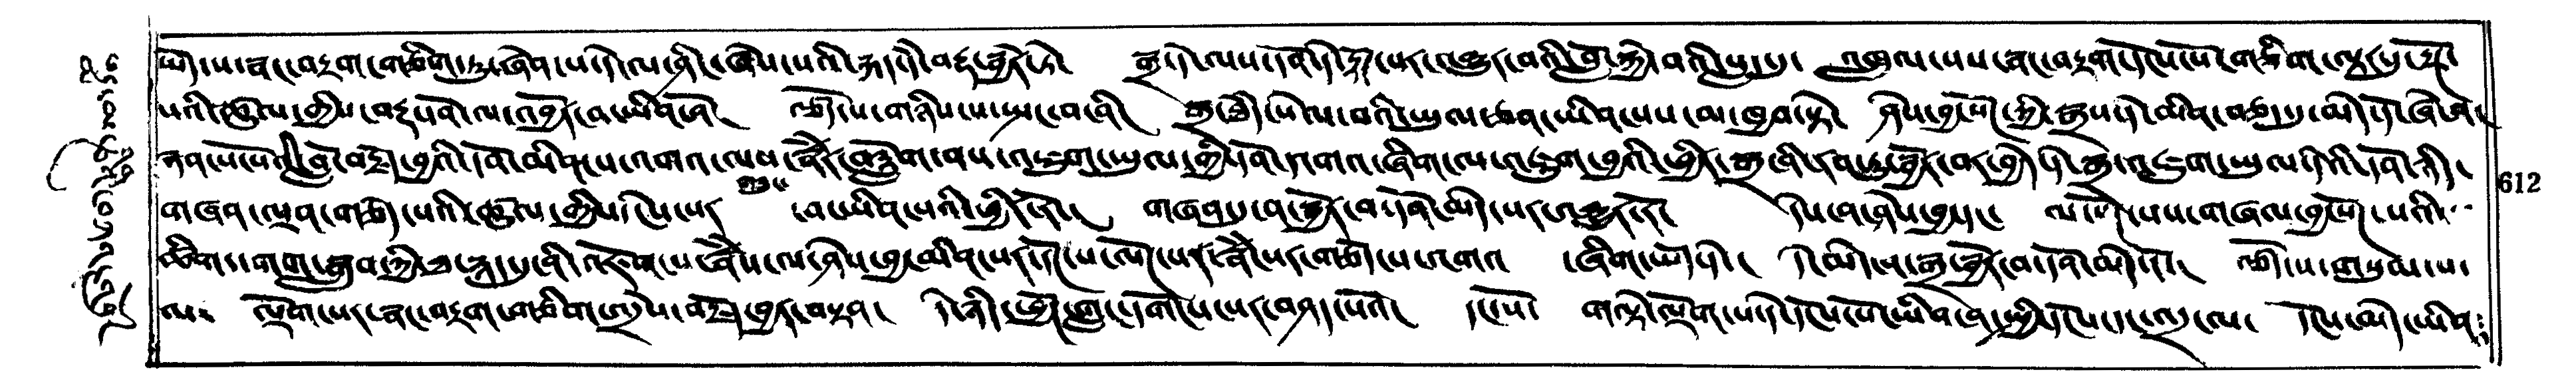ཡོད་ན་སྣང་བརྟགས་གཅིག་ཏུ་ཞེན་པ་དེ་ལ་ཤིང་ཞེས་པའི་སྐད་དམ་བརྡ་སྦྱོར་ཏེ། སྒྲ་དེ་ལས་དོན་དེ་རྟོགས་པར་འགྱུར་བའི་བློ་སྐྱེ་བའི་སླད་དུ། འཁྲུལ་པས་སྣང་བརྟགས་དངོས་པོ་གཅིག་ལྟར་དུ་རྟོགས་
པའི་ཚུལ་གྱིས་བརྡ་དོན་ལ་འབྱོར་བ་ཡིན་ནོ།། རྩོད་པ་གཉིས་པ་སྤོང་བ་ནི།སྒྲ་ཐམས་ཅད་སེལ་བའི་ཡུལ་ཅན་ཡིན་པས་མ་ཁྱབ་སྟེ། ཤེས་བྱ་སོགས་ཀྱི་སྒྲས་དེ་མིན་བཅད་དུ་མེད་དོ་ཞེ་ན་
སྣན་པ་པོའི་བློ་བརྗོད་བྱའི་དོན་མིན་པ་འགའ་ལས་རྣམ་པར་ལྡོག་ནས་འཇུག་ཡུལ་གྱི་དོན་འགའ་ཞིག་ལ་འཇུག་བྱའི་ཕྱིར་སྒྲ་ནི་རབ་ཏུ་སྦྱོར་བར་བྱེད་དེ་སྒྲ་འཇུག་ཡུལ་དེའི་དོན་ཉིད་
གཞན་ལྡན་གཅོད་པའི་ཚུལ་གྱིས་ངེས་པར་བཟུང་བ་ཡིན་པའི་ཕྱིར་རོ།། གཞན་དུ་ན་སྦྱོར་བ་དོན་མེད་པར་འགྱུར་རོ། དེས་ན་ཤེས་བྱ་དང་། ལ་སོགས་པས་གཞལ་བྱ་སོགས་པའི་
ཚིག་དགག་སྒྲུབ་ཀྱི་ཐ་སྙད་དུ་ནི་འཇོག་པ་རྣམས་ལ་ཤེས་བྱ་མིན་པར་དོགས་པ་ལེགས་པར་རྣམ་པར་གཅོད་པ་འགའ་ཞིག་ཡོད་དེ། དེ་མེད་ན་སྒྲ་སྦྱོར་བ་དོན་མེད་དོ། །རྩོད་པ་གསུམ་པ་
ལ། ལྡོག་པར་སྣང་བརྟགས་གཅིག་འདྲེས་བརྗོད་བྱར་བསྟན། །དེ་ཉིད་ཕྱོགས་གླང་དགོངས་པར་བཤད་པའོ། །དང་པོ། གལ་ཏེ་ལྡོག་པ་དེ་དངོས་པོ་ཡིན་ན་སྤྱི་དངོས་དང་འདྲ་ལ་དངོས་མེད་ཡིན་